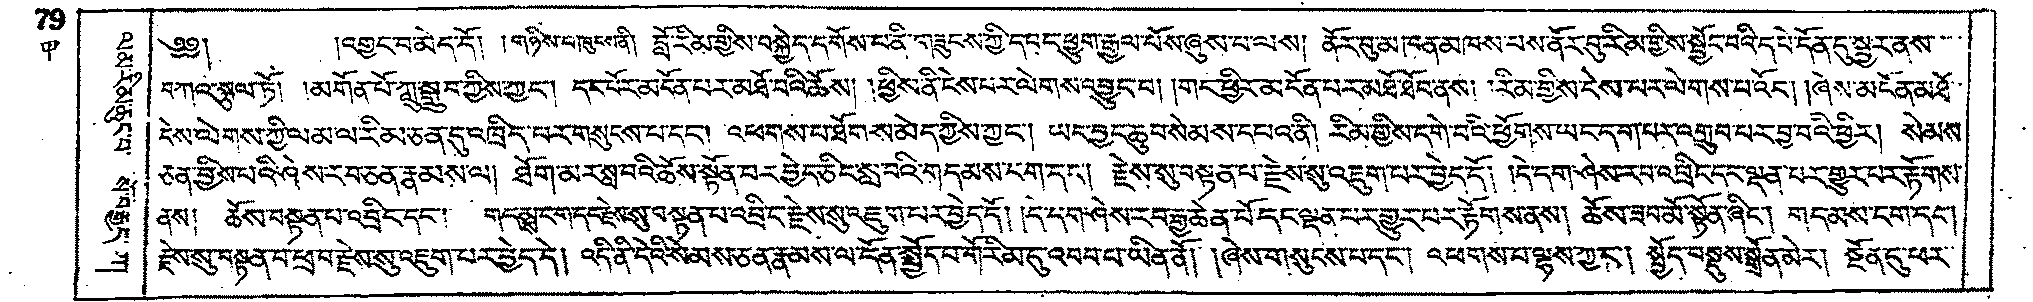༄༅། །འགྱང་བ་མེད་དོ། ། གཉིས་པ་ཁུངས་ནི།  བློ་རིམ་གྱིས་བསྐྱེད་དགོས་པ་ནི་གཟུངས་ཀྱི་དབང་ཕྱུག་རྒྱལ་པོས་ཞུས་པ་ལས། ནོར་བུ་མཁན་མཁས་པས་ནོར་བུ་རིམ་གྱིས་སྦྱོང་བའི་དཔེ་དོན་དུ་སྦྱར་ནས་
བཀའ་སྩལ་ཏོ། །མགོན་པོ་ཀླུ་སྒྲུབ་ཀྱིས་ཀྱང་། དང་པོར་མངོན་པར་མཐོ་བའི་ཆོས། །ཕྱིས་ནི་ངེས་པར་ལེགས་འབྱུང་བ། །གང་ཕྱིར་མངོན་པར་མཐོ་ཐོབ་ནས། །རིམ་གྱིས་ངེས་པར་ལེགས་པ་འོང་། །ཞེས་མངོན་མཐོ་
ངེས་ལེགས་ཀྱི་ལམ་ལ་རིམ་ཅན་དུ་འཁྲིད་པར་གསུངས་པ་དང་། འཕགས་པ་ཐོགས་མེད་ཀྱིས་ཀྱང་། ཡང་བྱང་ཆུབ་སེམས་དཔའ་ནི། རིམ་གྱིས་དགེ་བའི་ཕྱོགས་ཡང་དག་པར་འགྲུབ་པར་བྱ་བའི་ཕྱིར། སེམས་
ཅན་བྱིས་པའི་ཤེས་རབ་ཅན་རྣམས་ལ། ཐོག་མར་སླ་བའི་ཆོས་སྟོན་པར་བྱེད་ཅིང་སླ་བའི་གདམས་ངག་དང་། རྗེས་སུ་བསྟན་པ་རྗེས་སུ་འཇུག་པར་བྱེད་དོ། །དེ་དག་ཤེས་རབ་འབྲིང་དང་ལྡན་པར་གྱུར་པར་རྟོགས་
ནས། ཆོས་བསྟན་པ་འབྲིང་དང་། གདམས་ངག་དང་རྗེས་སུ་བསྟན་པ་འབྲིང་རྗེས་སུ་འཇུག་པར་བྱེད་དོ། །དེ་དག་ཤེས་རབ་རྒྱ་ཆེན་པོ་དང་ལྡན་པར་གྱུར་པར་རྟོགས་ནས། ཆོས་ཟབ་མོ་སྟོན་ཞིང་། གདམས་ངག་དང་།
རྗེས་སུ་བསྟན་པ་ཕྲ་བ་རྗེས་སུ་འཇུག་པར་བྱེད་དེ། འདི་ནི་དེའི་སེམས་ཅན་རྣམས་ལ་དོན་སྤྱོད་པ་གོ་རིམ་དུ་འབབ་པ་ཡིན་ནོ། །ཞེས་གསུངས་པ་དང་། འཕགས་པ་ལྷས་ཀྱང་། སྤྱོད་བསྡུས་སྒྲོན་མེར། སྔོན་དུ་ཕར་